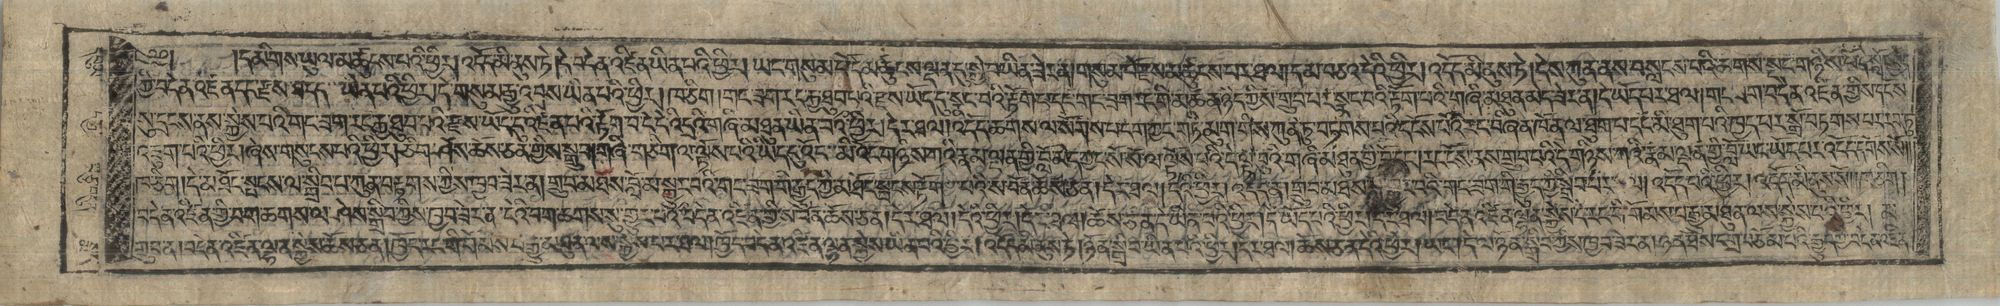༄༅། །དམིགས་ཡུལ་མཚུངས་པའི་ཕྱིར། འདོད་མི་ནུས་ཏེ། དེ་བདེན་འཛིན་ཡིན་པའི་ཕྱིར། ཡང་གསུམ་པོ་དེ་མཚུངས་ལྡན་དུ་སྐྱེ་བ་ཡིན་ཟེར་ན། གསུམ་པོ་རྫས་མཚུངས་པར་ཐལ། དམ་བཅའ་དེའི་ཕྱིར། འདོད་མི་ནུས་ཏེ། དེས་ཀུན་ནས་བསླངས་པའི་ཆགས་སྡང་གཉིས་པོ་དེ་སློང་བྱེད་
ཀྱི་བདེན་འཛིན་དང་རྫས་ཐ་དད་ཡིན་པའི་ཕྱིར། དེ་གསུམ་རྒྱུ་འབྲས་ཡིན་པའི་ཕྱིར། ཁ་ཅིག །གང་ཟག་རང་རྐྱ་ཐུབ་པའི་རྫས་ཡོད་དུ་སྣང་བའི་རྟོག་པ་དང་གང་ཟག་རང་གི་མཚན་ཉིད་ཀྱིས་གྲུབ་པར་སྣང་བའི་རྟོག་པའི་གཞི་མཐུན་མེད་ཟེར་ན། དེ་ཡོད་པར་ཐལ། གང་ཟག་བདེན་འཛིན་གྱིས་དངོས་
སུ་དྲངས་ནས་སྐྱེས་པའི་གང་ཟག་རང་རྐྱ་ཐུབ་པའི་རྫས་ཡོད་དུ་འཛིན་པའི་རྟོག་པ་དེ་དེའི་དྲའིགཞི་མཐུན་ཡིན་པའི་ཕྱིར། དེར་ཐལ། འདོད་ཆགས་ལ་སོགས་པ་དག་ཀྱང་གཏི་མུག་གིས་ཀུན་ཏུ་བཏགས་པའི་དངོས་པོའི་རང་བཞིན་ཁོ་ན་ལ་ཐུག་པ་དང་མི་ཐུག་པའི་ཁྱད་པར་སྒྲོ་བཏགས་པར་རབ་ཏུ་
འཇུག་པའི་ཕྱིར། ཞེས་གསུངས་པའི་ཕྱིར། ཅིག་ཤོས་ཆོས་ཅན་གྱིས་སྒྲུབ། གཞི་གཅིག་ལ་ལྟོས་པའི་ཡིད་དུ་འོང་མི་འོང་གཉིས་ཀའི་རྣམ་ལྡན་གྱི་བློ་མེད་ཀྱང་སོ་སོ་ལ་ལྟོས་པའི་དེ་ལྟ་བུའི་གཞི་མཐུན་གྱི་བློ་དང་། རང་ངོས་ནས་གྲུབ་པའི་དེ་གཉིས་ཀའི་རྣམ་ལྡན་གྱི་བློ་ཡང་ཡོད་པར་འདོད་དགོས་སོ། །
ཁ་ཅིག །དེ་མཐོང་སྤངས་ལ་སྒྲིབ་པ་ཀུན་བརྟགས་ཀྱིས་ཁྱབ་ཟེར་ན། གྲུབ་མཐས་བློ་མ་སྒྱུར་བའི་གང་ཟག་གི་རྒྱུད་ཀྱི་མཐོང་སྤངས་རྟོག་པའི་ས་བོན་ཆོས་ཅན། དེར་ཐལ། དེའི་ཕྱིར། འདོད་ན། གྲུབ་མཐས་བློ་སྒྱུར་བའི་གང་ཟག་གི་རྒྱུད་ཀྱི་སྒྲིབ་པར་ཐལ། འདོད་པའི་ཕྱིར། འདོད་མི་ནུས་སོ། །ཁ་ཅིག །
བདེན་འཛིན་གྱི་བག་ཆགས་ལ་ཤེས་སྒྲིབ་ཀྱིས་ཁྱབ་ཟེར་ན། དེའི་བག་ཆགས་སུ་གྱུར་པའི་བདེན་འཛིན་གྱི་ས་བོན་ཆོས་ཅན། དེར་ཐལ། དེའི་ཕྱིར། དེར་ཐལ། ཆོས་ཅན་དེ་ཡིན་པའི་ཕྱིར། དེ་ཡོད་པའི་ཕྱིར། དེར་ཐལ། བདེན་འཛིན་ལྷན་སྐྱེས་དེ་རང་གི་གོམས་པ་རྒྱུ་མཐུན་ལས་སྐྱེས་པའི་ཕྱིར། མ་
གྲུབ་ན། བདེན་འཛིན་ལྷན་སྐྱེས་ཆོས་ཅན། ཁྱོད་རང་གི་གོམས་པ་རྒྱུ་མཐུན་ལས་སྐྱེས་པར་ཐལ། ཁྱོད་བདེན་འཛིན་ལྷན་སྐྱེས་ཡིན་པའི་ཕྱིར། འདོད་མི་ནུས་ཏེ། ཉོན་སྒྲིབ་ཡིན་པའི་ཕྱིར། དེར་ཐལ། ཆོས་ཅན་དེའི་ཕྱིར། ཡང་། དེ་ལ་ཉོན་སྒྲིབ་ཀྱིས་ཁྱབ་ཟེར་ན། ཉན་ཐོས་དགྲ་བཅོམ་པའི་རྒྱུད་ཀྱི་བདེན་འཛིན་